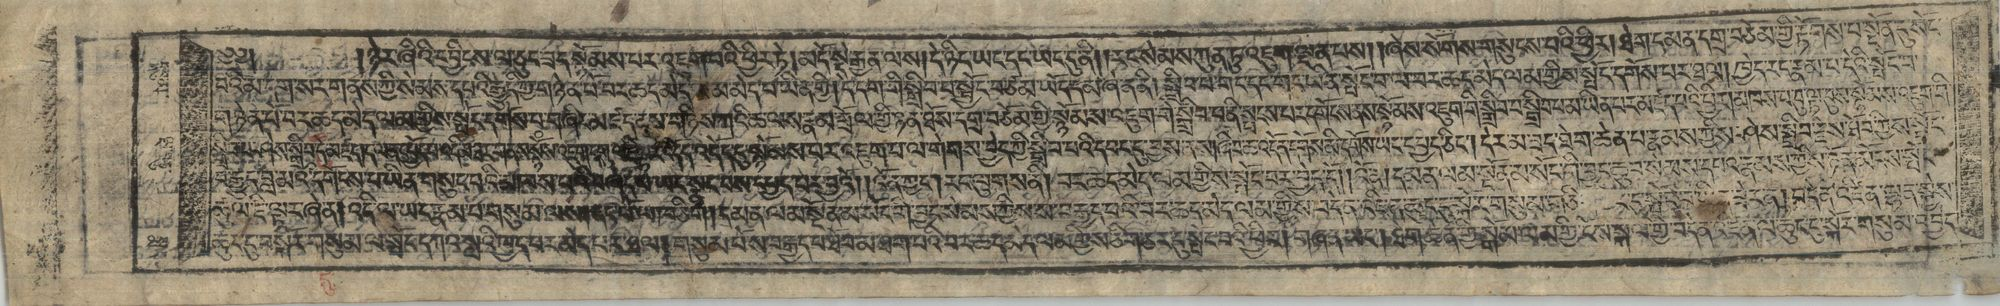༄༅། །ཉེར་ཞིའི་དབྱིངས་ལ་ཅུང་ཟད་སྙོམས་པར་འཇུག་པའི་ཕྱིར་ཏེ། མདོ་སྡེ་རྒྱན་ལས། དེ་ཉིད་ཡང་དང་ཡང་དུ་ནི། །རང་སེམས་ཀུན་ཏུ་འཇུག་ལྡན་པས། །ཞེས་སོགས་གསུངས་པའི་ཕྱིར། ཐེག་དམན་དགྲ་བཅོམ་གྱི་རྟོགས་པ་སྔོན་དུ་སོང་
བའི་མ་དག་སར་གནས་ཀྱི་སེམས་དཔའི་རྒྱུད་ཀྱི་གཉེན་པོ་བར་ཆད་མེད་ལམ་མེད་པ་ཡིན་གྱི། དེ་དག་གི་སྒྲིབ་པ་སྦྱོང་བ་ཙམ་ཡོད་དམ་ཞེ་ན་ནི། སྒྲིབ་པ་གང་དང་གང་ཡིན་སྤོང་བ་ལ་བར་ཆད་མེད་ལམ་གྱིས་སྤོང་དགོས་པར་ཐལ། ཁྱེད་རང་རྣམ་པ་དེའི་སྤོང་བ་
གཉེན་པོ་བར་ཆད་མེད་ལམ་གྱིས་སྤོང་དགོས་པ་གཞིར་མཛད་ནས་གཉིས་ཀའི་ཆ་ལས་རྣམ་གྲོལ་གྱི་ཉན་ཐོས་དགྲ་བཅོམ་གྱི་སྙོམས་འཇུག་གི་སྒྲིབ་པ་ནི་སྤངས་པར་དགོངས་ནས་སྙོམས་འཇུག་གི་སྒྲིབ་པ་སྒྲིབ་པ་མ་ཡིན་པར་མཛད་པའི་ཕྱིར། མཁས་པ་བུ་ལྟ་བུས་སྙོམས་འཇུག་གི་
སྒྲིབ་པ་ཤེས་སྒྲིབ་དུ་མཛད། ད་ལན་དཔྱོད་པ་འདི་མཐར་གནས་སྙོམས་འཇུག་དགུ་ལ་ཇི་ལྟར་འདོད་འདོད་དུ་སྙོམས་པར་འཇུག་པ་ལ་གེགས་བྱེད་ཀྱི་སྒྲིབ་པའི་དབང་དུ་བྱས་ནས་ཞིབ་ཆ་འདོན་དགོས་མི་དགོས་ཡང་དཔྱད་ཅིང་། དེར་མ་ཟད་ཐེག་ཆེན་པ་རྣམས་ཀྱིས་ཤེས་སྒྲིབ་རྗེས་ཐོབ་ཀྱིས་སྤོང་
བ་རྒྱུད་བླ་མའི་དགོངས་པ་ཡིན་གསུང་པའི་མཁས་པའི་བཞེད་པ་ཡང་སྣང་བས་དཔྱད་པར་བྱའོ། །འོན་ཀྱང་། རང་ལུགས་ནི། པར་ཆད་མེད་ལམ་གྱིས་སྤོང་བར་བྱེད་དོ། །འོ་ན། དམན་ལམ་སྔོན་མ་སོང་གི་བྱང་ཆུབ་སེམས་དཔའ་རྣམས་ཀྱིས་ཉོན་མོངས་སྤོང་
ཚུལ་ཇི་ལྟར་ཞེ་ན། འདི་ལ་ཡང་རྣམ་པ་གསུམ་ལས། དང་པོ་ལ་ཁ་ཅིག །དམན་ལམ་སྔོན་མ་སོང་གི་བྱང་སེམས་ཀྱིས་ས་བརྒྱད་པའི་བར་ཆད་མེད་ལམ་གྱིས་བདེན་འཛིན་ཆུང་ངུ་སྐོར་གསུམ་གཅིག་ཅར་དུ་སྤོང་བ་ཡིན་ཟེར་ན། བདེན་འཛིན་ལྷན་སྐྱེས་
ཚུདྡུ་བསྐོར་གསུམ་ལ་སྤོང་དཀའ་སླའི་ཁྱད་པར་མེད་པར་ཐལ། གསུམ་པོས་བརྒྱད་པ་ཐོབ་མ་ཐག་པའི་བར་ཆད་མེད་ལམ་གྱིས་ཅིག་ཅར་དུ་སྤོང་བའི་ཕྱིར། གཞན་ཡང་། ཐེག་ཆེན་གྱི་སྒོམ་ལ་མ་གྱི་ངོས་སྐལ་གྱི་བདེན་འཛིན་ལ་ཆུང་ངུ་སྐོར་གསུམ་འབྱེད་